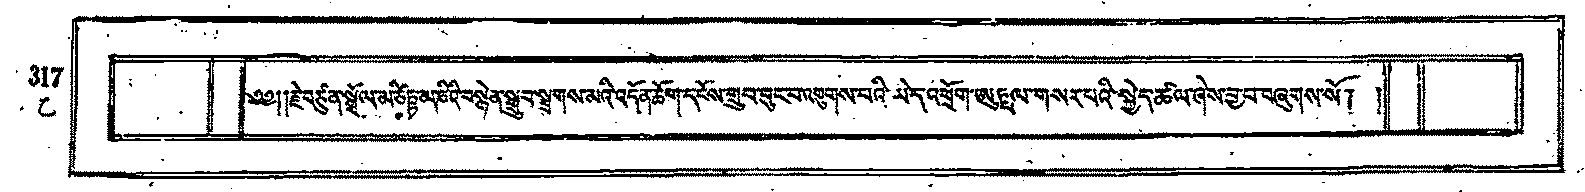༄༅། །རྗེ་བཙུན་སྒྲོལ་མ་ཙིཏྟ་མ་ཎིའི་བསྙེན་སྒྲུབ་སྦྲགས་མའི་འདོན་ཆོག་དངོས་གྲུབ་བུང་བ་འགུགས་པའི་ཡིད་འཕྲོག་ཨུཏྤལ་གསར་པའི་སྐྱེད་ཚལ་ཞེས་བྱ་བ་བཞུགས་སོ། །